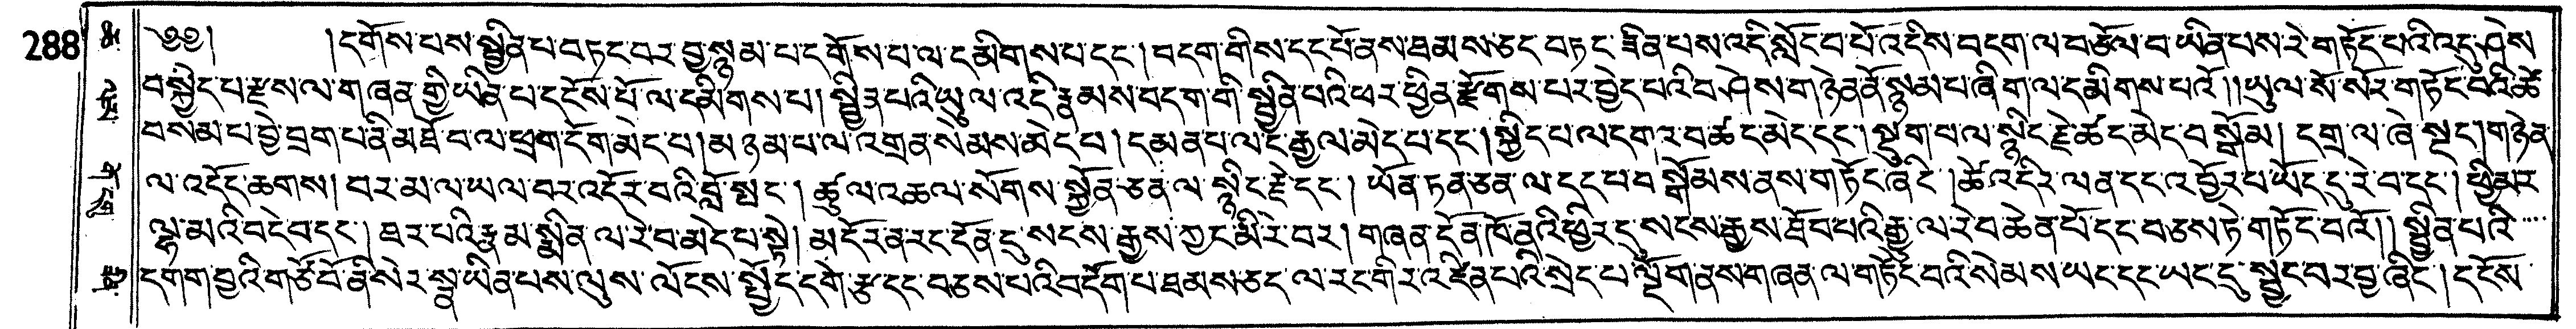༄༅། །དགོས་པས་སྦྱིན་པ་བཏང་བར་བྱ་སྙམ་པ་དགོས་པ་ལ་དམིགས་པ་དང་། བདག་གིས་དང་པོ་ནས་ཐམས་ཅད་བཏང་ཟིན་པས་འདི་སློང་བ་པོ་འདིས་བདག་ལ་བཅོལ་བ་ཡིན་པས་རེ་གཏོད་པའི་འདུ་ཤེས་
བསྐྱེད་པ་རྫས་ལ་གཞན་གྱི་ཡིན་པ་དངོས་པོ་ལ་དམིགས་པ། སྦྱིན་པའི་ཡུལ་འདི་རྣམས་བདག་གི་སྦྱིན་པའི་ཕར་ཕྱིན་རྫོགས་པར་བྱེད་པའི་བཤེས་གཉེན་ནོ་སྙམ་པ་ཞིག་ལ་དམིགས་པའོ། །ཡུལ་སོ་སོར་གཏོང་བའི་ཚེ་
བསམ་པ་བྱེ་བྲག་པ་ནི་མཐོ་བ་ལ་ཕྲག་དོག་མེད་པ། མཉམ་པ་ལ་འགྲན་སེམས་མེད་པ། དམན་པ་ལ་ང་རྒྱལ་མེད་པ་དང་། སྐྱིད་པ་ལ་དགའ་བ་ཚད་མེད་དང་། སྡུག་པ་ལ་སྙིང་རྗེ་ཚད་མེད་བསྒོམ། དགྲ་ལ་ཞེ་སྡང་། གཉེན་
ལ་འདོད་ཆགས། བར་མ་ལ་ཡལ་བར་འདོར་བའི་བློ་སྤང་། ཚུལ་འཆལ་སོགས་སྐྱོན་ཅན་ལ་སྙིང་རྗེ་དང་། ཡོན་ཏན་ཅན་ལ་དང་པ་བསྒོམས་ནས་གཏོང་ཞིང་། ཚེ་འདིར་ལན་དང་འབྱོར་བ་ཡོད་དུ་རེ་བ་དང་། ཕྱི་མར་
ལྷ་མའི་བདེ་བ་དང་། ཐར་པའི་རྣམ་སྨིན་ལ་རེ་བ་མེད་པ་སྟེ། མདོར་ན་རང་དོན་དུ་སངས་རྒྱས་ཀྱང་མི་རེ་བར། གཞན་དོན་ཁོ་ནའི་ཕྱིར་དུ་སངས་རྒྱས་ཐོབ་པའི་རྒྱུ་ལ་རེ་བ་ཆེན་པོ་དང་བཅས་ཏེ་གཏོང་བའོ། །སྦྱིན་པའི་
དགག་བྱའི་གཙོ་བོ་ནི་སེར་སྣ་ཡིན་པས་ལུས་ལོངས་སྤྱོད་དགེ་རྩ་དང་བཅས་པའི་བདོག་པ་ཐམས་ཅད་ལ་རང་གིར་འཛིན་པའི་སྲེད་པ་ལྡོག་ནས་གཞན་ལ་གཏོང་བའི་སེམས་ཡང་དང་ཡང་དུ་སྦྱང་བར་བྱ་ཞིང་། དངོས་